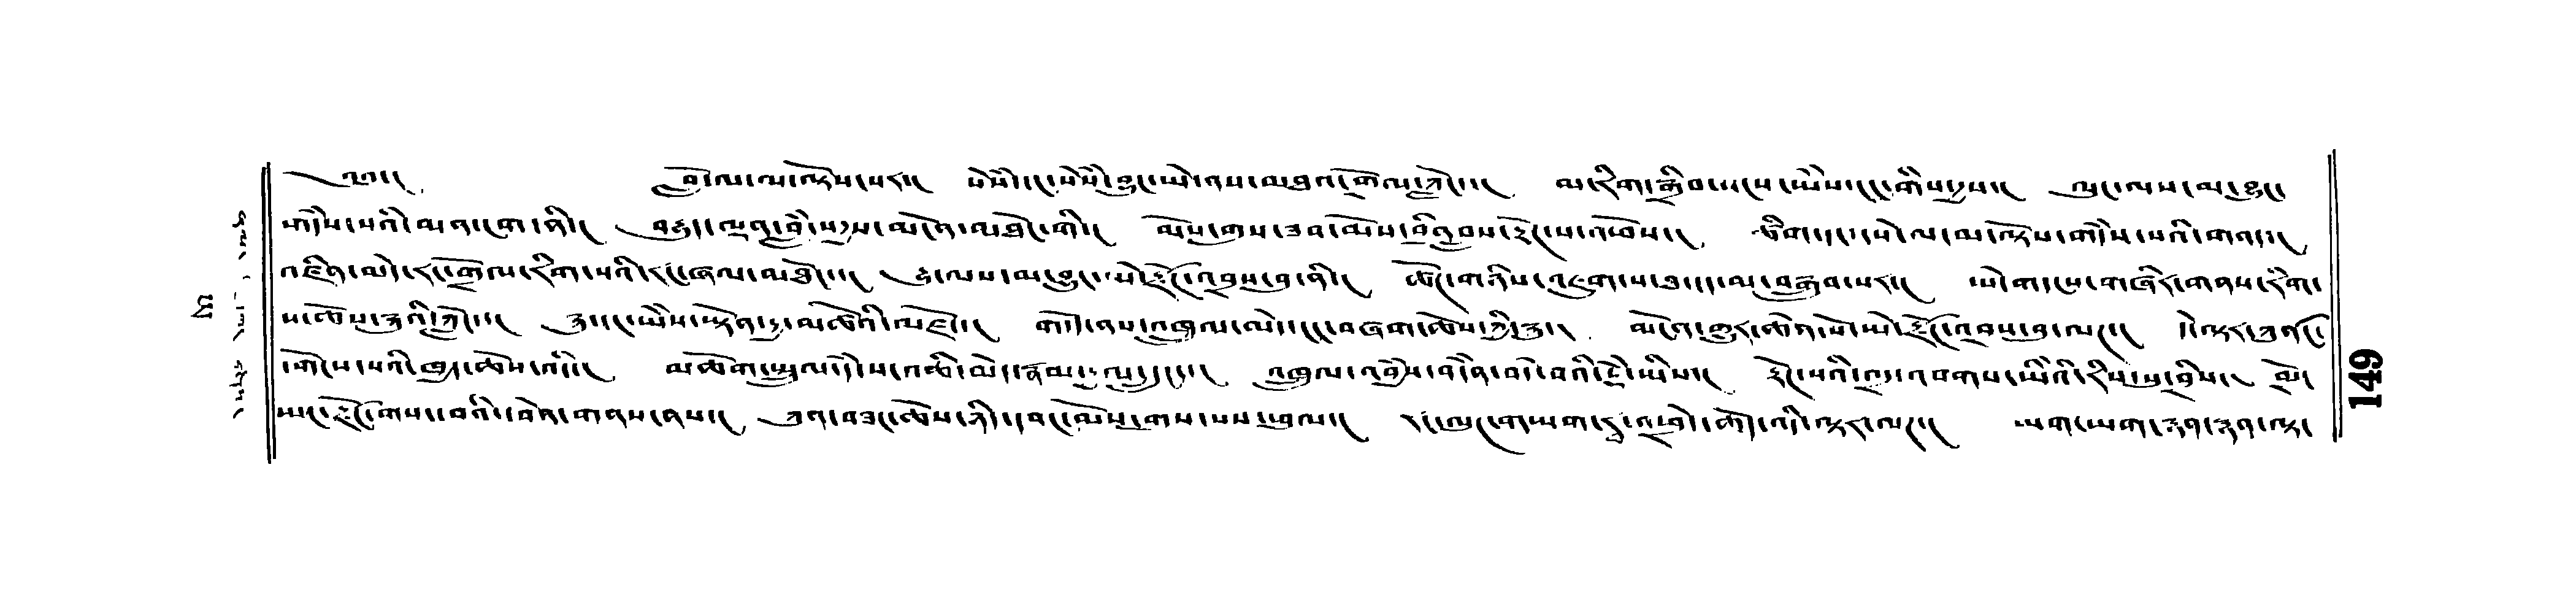བློ་ལ་མ་ལྟོས་པར། །སེམས་དང་སེམས་བྱུང་ཡེ་ནས་མཐའ་གྲོལ་ཀློང་། །མ་རིག་སྒྲིབ་སངས་ཡེ་ཤེས་ངང་གིས་རྒྱས། །ལུང་ལས་མ་བྱུང་
གདམས་པའི་མན་ངག་ནི། བརྒྱུད་ལྡན་བླ་མ་སངས་རྒྱས་མངོན་མཐོང་གི །མོས་གུས་ཟབ་མོས་བྱིན་རླབས་རྟོགས་པ་འཕོས། །ཚིག་དང་དཔེ་ལ་མ་ལྟོས་གདམས་པའི་གནད། །
འཛིན་མེད་རང་གྲོལ་རིག་པའི་རང་ཞལ་མཐོང་། །རྒྱུ་ལས་མ་བྱུང་ཡེ་རྫོགས་འབྲས་བུ་ནི། །ཚོགས་གཉིས་འཇུག་པ་ཐ་དད་མ་བསྒྲུབ་པར། །ཡེ་གདངས་གཞིར་གནས་རིག་
པ་ཆོས་སྐུའི་ཀློང་། །སྐུ་དང་ཡེ་ཤེས་ཡོན་ཏན་རྒྱ་མཚོའི་མཛོད། །གདོད་ནས་འཁྲུལ་མེད་ངང་བཞག་ཆོས་ཀྱི་སྐུ། །མངོན་གྱུར་ཆེན་པོ་ཡེ་རྫོགས་འབྲས་བུ་ལགས། །དེ་ལྟར་ཀུན་བཟང་
དགོངས་པའི་ཁྱད་ཆོས་འདི། །མཆོག་སྤྲུལ་དམ་པ་འཆི་མེད་རྣམ་རྒྱལ་དྲུང་། །འཁྲུལ་འབྱམས་བདེ་ཆེན་བདེ་བའི་རྡོ་རྗེ་ཡིས། །རྟོགས་པའི་འདྲ་འབག་ཡི་གེའི་རིས་སུ་བྲིས། །མཁའ་འགྲོ་
ཡང་རྫོང་གསང་བའི་དབེན་གནས་ནས། །ཀུན་བཟང་ཆོས་ཉིད་བང་མོས་གུས་པས་ཕུལ། །རང་ལུགས་གཡག་རྭ་འཕྲེད་ཆོད་འདི་ལྟར་ལགས། །ཡག་ཡག་སྙན་སྙན་ལྟ་